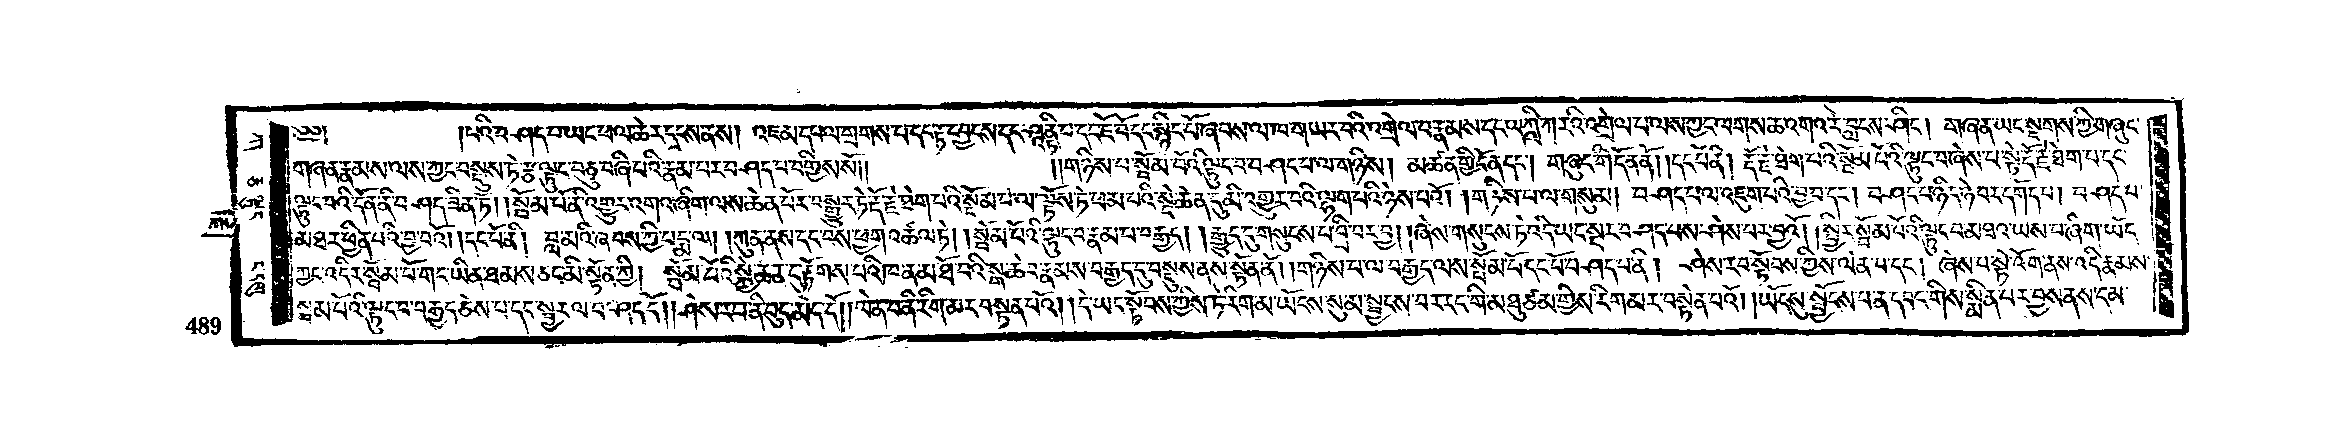༄༅། །པའི་བཤད་པ་ཡང་ཕལ་ཆེར་དྲངས་ནས། འཇམ་དཔལ་གྲགས་པ་དང་རྟ་དབྱངས་དང་ཤཱནྟི་པ་དང་ཇོ་བོ་དང་སྙིང་པོ་ཞབས་ལ་ཁ་གཡར་བའི་འགྲེལ་བ་རྣམས་དང་ལཀྵི་ཀ་རའི་འགྲེལ་པ་ལས་ཀྱང་ལགས་ཆ་འགའ་རེ་བླངས་ཤིང་། གཞན་ཡང་སྔགས་ཀྱི་གཞུང་
གཞན་རྣམས་ལས་ཀྱང་བསྡུས་ཏེ་རྩ་ལྟུང་བཅུ་བཞི་པའི་རྣམ་པར་བཤད་པ་བགྱིས་སོ།། །།གཉིས་པ་སྦོམ་པོའི་ལྟུང་བ་བཤད་པ་ལ་གཉིས། མཚན་གྱི་དོན་དང་། གཞུང་གི་དོན་ནོ། །དང་པོ་ནི། རྡོ་རྗེ་ཐེག་པའི་སྦོམ་པོའི་ལྟུང་བ་ཞེས་པ་སྟེ་རྡོ་རྗེ་ཐེག་པ་དང་
ལྟུང་བའི་དོན་ནི་བཤད་ཟིན་ཏོ། །སྦོམ་པོ་ནི་འགྱུར་འགའ་ཞིག་ལས་ཆེན་པོར་བསྒྱུར་ཏེ་རྡོ་རྗེ་ཐེག་པའི་སྡོམ་པ་ལ་ལྟོས་ཏེ་ཕམ་པའི་སྡེ་ཆེན་དུ་མི་འགྱུར་བའི་ལྷག་པའི་ཉེས་པའོ། །གཉིས་པ་ལ་གསུམ། བཤད་པ་ལ་འཇུག་པའི་བྱ་བ་དང་། བཤད་པ་ཉིད་ཉེ་བར་དགོད་པ། བཤད་པ་
མཐར་ཕྱིན་པའི་བྱ་བའོ། །དང་པོ་ནི། བླ་མའི་ཞབས་ཀྱི་པདམ་ལ། །ཀུན་ནས་དང་བས་ཕྱག་འཚལ་ཏེ། །སྦོམ་པོའི་ལྟུང་བ་རྣམ་པ་བརྒྱད། །རྒྱུད་དུ་གསུངས་པ་བྲི་བར་བྱ། །ཞེས་གསུངས་ཏེ་འདི་ཡང་སྔར་བཤད་པས་ཤེས་པར་བྱའོ། །སྤྱིར་སྦོམ་པོའི་ལྟུང་བ་མཐའ་ཡས་པ་ཞིག་ཡོད་
ཀྱང་འདིར་སྦོམ་པོ་གང་ཡིན་ཐམས་ཅད་མི་སྟོན་ཀྱི། སྦོམ་པོའི་སྐྱེ་ཚན་དུ་རྟོགས་པའི་ཁ་ན་མ་ཐོ་བའི་སྒ་ཆེ་བ་རྣམས་བརྒྱད་དུ་བསྡུས་ནས་སྟོན་ནོ། །གཉིས་པ་ལ་བརྒྱད་ལས་སྤོམ་པོ་དང་པོ་བཤད་པ་ནི། ཤེས་རབ་སྟོབས་ཀྱིས་ལེན་པ་དང་། ཞེས་པ་སྟེ་འོག་ནས་འདི་རྣམས་
སྦམ་པོའི་ལྟུང་བ་བརྒྱད་ཅེས་པ་དང་སྦྱར་ལ་བཤད་དོ། །ཤེས་རབ་ནི་བུད་མེད་དོ། །ལེན་པ་ནི་རིག་མར་བསྟན་པའོ། །དེ་ཡང་སྟོབས་ཀྱིས་ཏེ་རིག་མ་ཡོངས་སུ་མ་སྦྱངས་བར་རང་གི་མཐུ་ཙམ་གྱིས་རིག་མར་བསྟེན་པའོ། །ཡོངས་སུ་སྦྱོངས་པ་ན་དབང་གིས་སྨིན་པར་བྱས་ནས་དམ་